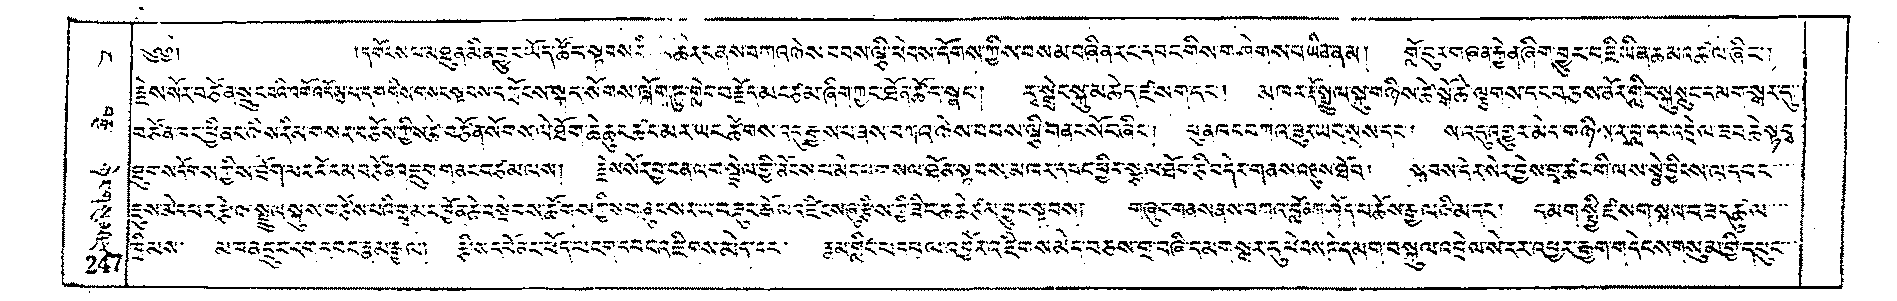༄༅། །དགོངས་པ་མཐུན་མིན་བྱུང་ཡོད་ཚོད་སྟབས་རིན་པོ་ཆེ་རང་ནས་བཀའ་ཉེས་བབས་ལྕི་ཕེབས་དོགས་ཀྱིས་བསམ་བཞིན་རང་དབང་གིས་གཤེགས་པ་ཡིན་ནམ། གློ་བུར་གཞན་རྐྱེན་ཞིག་བྱུང་བ་ཇི་ཡིན་ཆ་མ་འཚལ་ཞིང་།
རྗེས་སོར་བཙོན་སྲུང་བའི་འགོ་འདོམས་པ་དག་གིས་གསང་སྟབས་དཀྲོངས་སྐད་སོགས་ལྐོག་ཏུ་གླེང་བརྗོད་མང་ཙམ་ཞིག་ཀྱང་ཐོན་ཚོད་སྣང་། རྭ་སྒྲེང་སྐུ་མཆེད་ཛ་སག་དང་། མཁར་རྡོ་སྤྲུལ་སྐུ་གཉིས་ཚེ་སྒོ་ཚེ་ལྕགས་དང་བཅས་ནོར་གླིང་སྐུ་སྲུང་དམག་སྒར་དུ་
བཙོན་ཁང་ཕྱི་ནང་ཉིས་རིམ་གསར་བཅོས་ཀྱིས་ཚེ་བཙོན་སོགས་ལེ་ཐོག་ཆེ་ཆུང་ཚང་མར་ཡང་ཚོགས་འདུ་རྒྱས་པ་ནས་བཀའ་ཉེས་བབས་ལྕི་གནང་སོང་ཞིང་། ཕུན་ཁང་བཀའ་ཟུར་ཡབ་སྲས་དང་། ས་འདུ་འགྱུར་མེད་གཉིས་རྭ་བླ་དང་འབྲེལ་ཟབ་ཆེ་སྟབས་
ཐུགས་དོགས་ཀྱིས་ཐོག་མར་དོ་དམ་བཙོན་འཇུག་གནང་བ་ཙམ་ལས། རྗེས་སོར་བྱ་ངན་ལག་སྦྲེལ་གྱི་ནོངས་པ་མེད་པ་གསལ་ཐོན་སྟབས་མཁར་དབང་ཕྱིར་སྩལ་ཐོག་ཅི་བདེར་གནས་འཐུས་ཐོབ། སྐབས་དེར་སེར་བྱེས་གྲྭ་ཚང་གི་ལས་སྣེ་བྱིངས་ལ་དབང་
ཇུས་མེད་པར་རྩེ་ཉ་སྤྲུལ་སྐུས་གཙོས་པའི་གྲྭ་མང་ཁྱོན་ཆེ་བསྡེབས་ཚོགས་ཀྱིས་གཞུང་སར་ཡ་བཟུང་རྒོལ་འཛིངས་ཞུ་རྩིས་ཀྱི་ཟིང་ཆ་ཆེ་ཙམ་བྱུང་སྟབས། གཞུང་གནས་ནས་བཀའ་བློན་ཀ་ཤོད་པ་ཆོས་རྒྱལ་ཉི་མ་དང་། དམག་སྤྱི་ཛ་སག་སྐལ་བཟང་ཚུལ་
ཁྲིམས། མཁན་དྲུང་ངག་དབང་རྣམ་རྒྱལ། རྩིས་དཔོན་ང་ཕོད་པ་ངག་དབང་འཇིགས་མེད་དང་། རྣམ་གླིང་པ་དཔལ་འབྱོར་འཇིགས་མེད་བཅས་གྲ་བཞི་དམག་སྒར་དུ་ཕེབས་ཏེ་དམག་བསྐུལ་འབྲེལ་སེ་རར་འཕྱར་རྒྱག་གདེངས་གསུམ་གྱི་དཔུང་